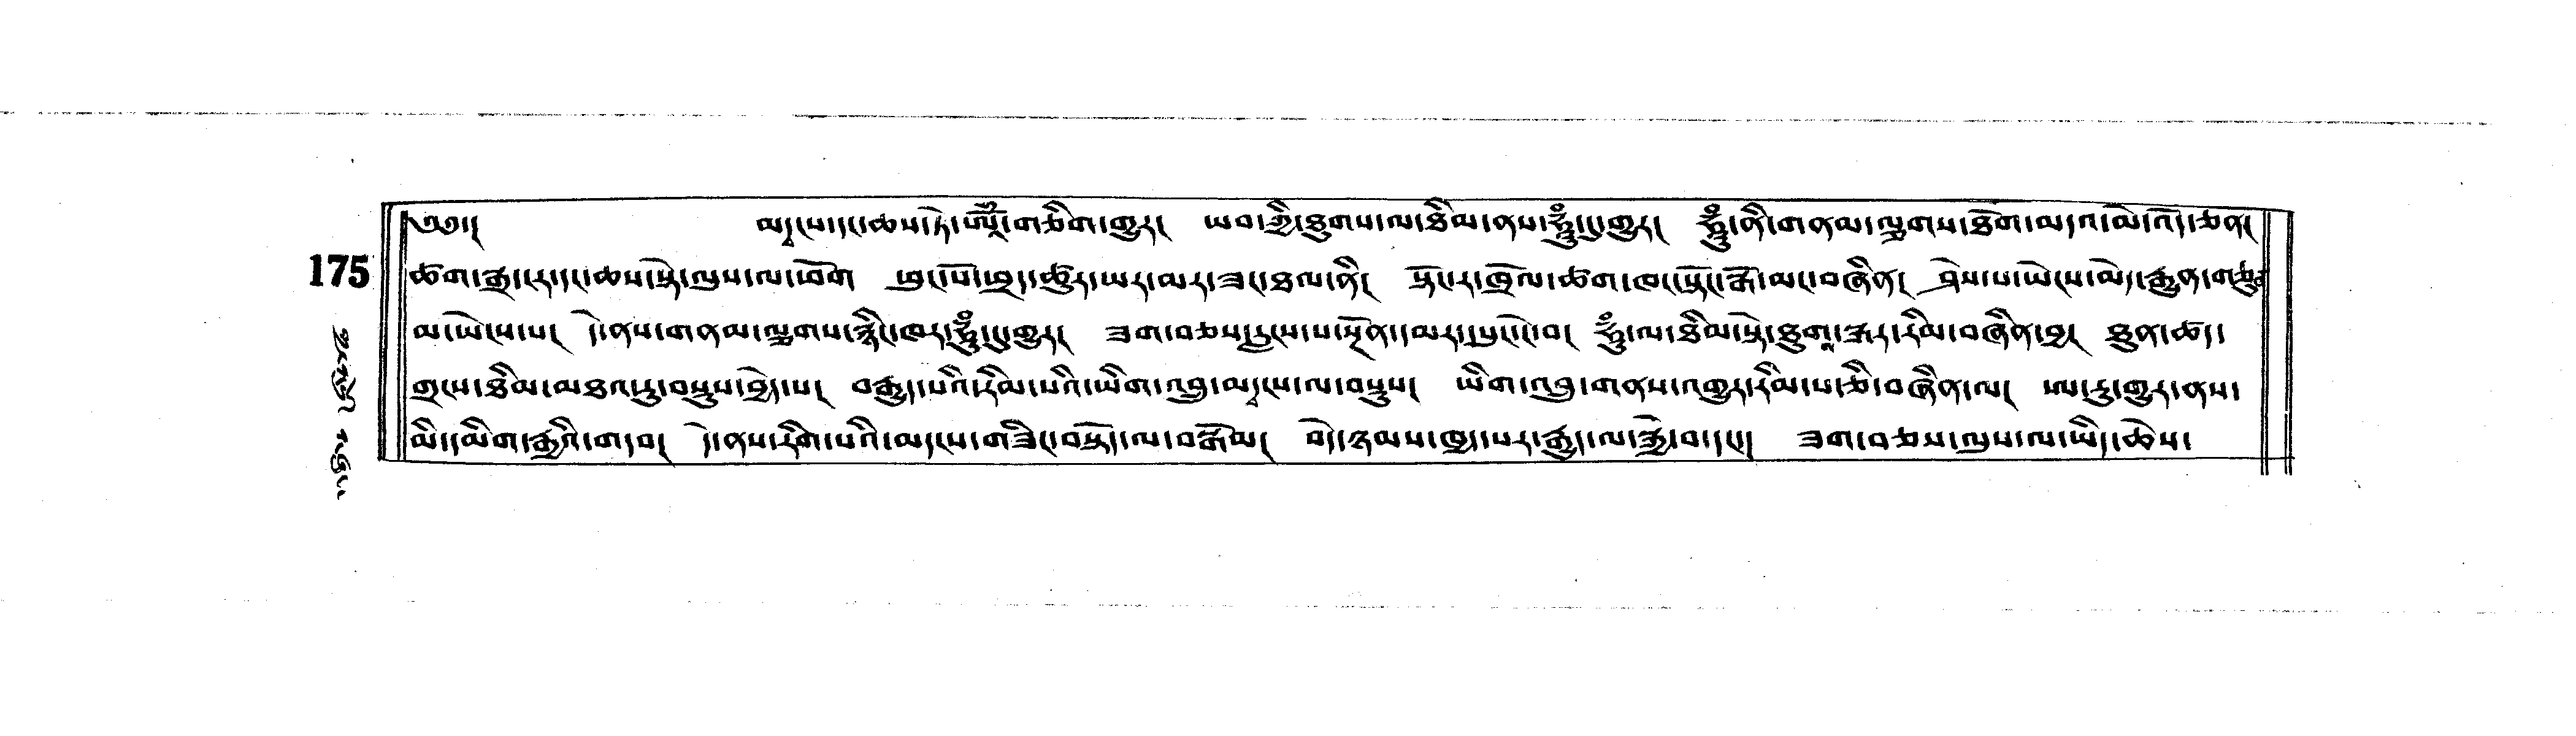མདངས་དང་ཆས་ཏེ་ཨཱོྃ་གཅིག་གྱུར། ཡབ་ཀྱི་ཐུགས་ལ་ཐིམས་ནས་ཧཱུཾ་དུ་གྱུར། ཧཱུཾ་གི་གནམ་ལྕགས་ཐོག་མདའ་མེ་འོད་ཅན། 
ཚག་སྒྲ་ངར་དང་ཆས་ཏེ་ལུས་ལ་ཕོག ཕུང་པོ་ཕྲད་ཚུལ་ཡར་མར་ཟང་ཐལ་ནི། སྟོང་ར་ཁྲོལ་ཚག་ཁང་སྟོང་སྒོ་མང་བཞིན། ཤེས་པ་ཡེངས་མེད་རྒྱུན་གཅུན་
མ་ཡེངས་པ། དེ་ནས་གནམ་ལྕགས་སྙིང་ཁར་ཧཱུཾ་དུ་གྱུར། ཟག་བཅས་རླངས་པ་སྔོན་དམར་དཔུང་ངེ་བ། ཧཱུཾ་ལ་ཐིམ་སྟེ་ཐུགས་ཀར་རིམ་བཞིན་བྱ། ཐུན་ཚད་
གྲངས་ཐིམ་མཐའ་རུ་བསྡུས་བྱེད་པ། བརྒྱུད་པའི་རིམ་པའི་ཡིག་འབྲུ་མདངས་ལ་བསྡུས། ཡིག་འབྲུ་གནས་འགྱུར་རིམ་པ་ཅི་བཞིན་ལ། ཨ་རུ་གྱུར་ནས་
མི་དམིགས་རྒྱ་ཡིས་གདབ། དེ་ནས་རིག་པའི་མདངས་གཟེངས་བསྟོད་ལ་བསྒོམ། བདེ་ཉམས་ཁྱད་པར་རྒྱུད་ལ་སྐྱེ་བ་དང་། ཟག་བཅས་ལུས་ལ་ཡིད་ཆེས་